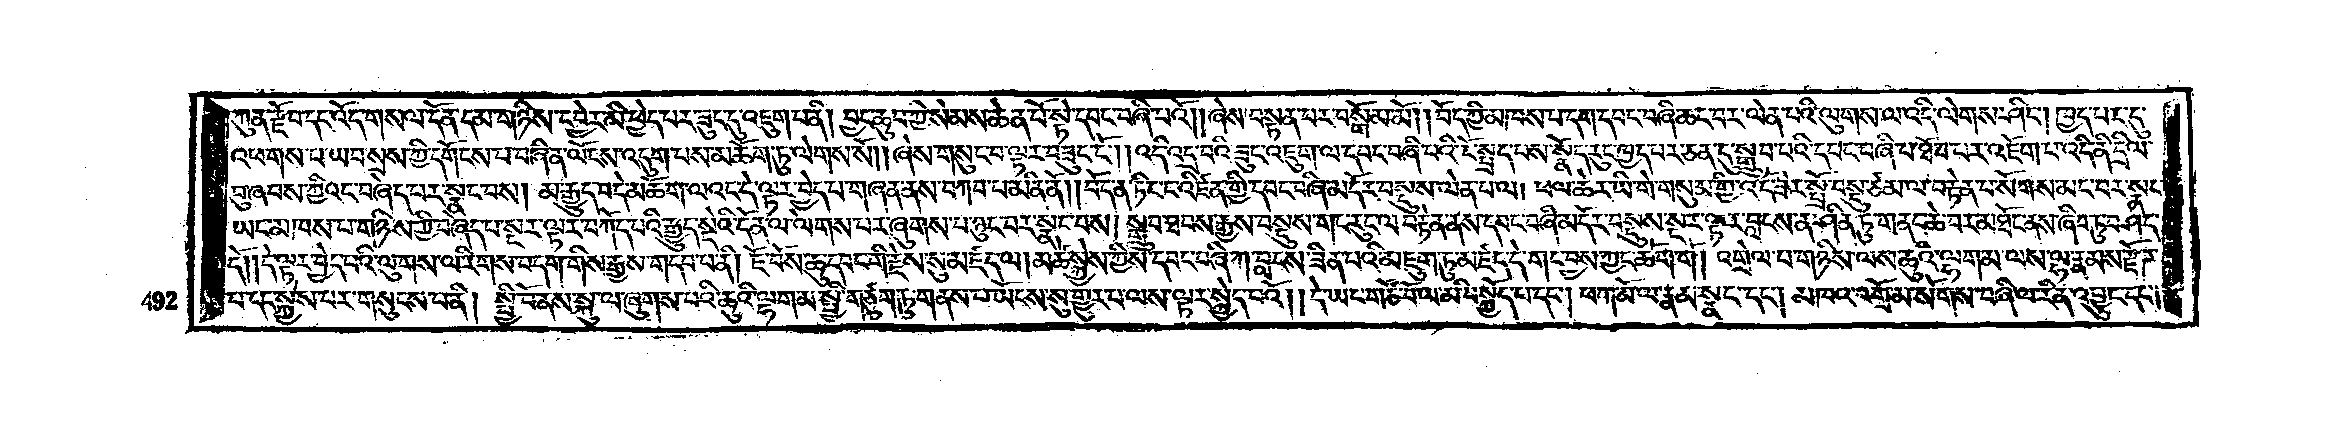ཀུན་རྫོབ་དང་འོད་གསལ་དོན་དམ་གཉིས་དབྱེར་མི་ཕྱེད་པར་ཟུང་དུ་འཇུག་པ་ནི། བྱང་ཆུབ་ཀྱི་སེམས་ཆེན་པོ་སྟེ་དབང་བཞི་པའོ། །ཞེས་བསྟན་པར་བསྒོམ་མོ། །བོད་ཀྱི་མཁས་པ་དག་དབང་བཞི་ཆང་བར་ལེན་པའི་ལུགས་ལ་འདི་ལེགས་ཤིང་། ཁྱད་པར་དུ་
འཕགས་པ་ཡབ་སྲས་ཀྱི་དགོངས་པ་བཞིན་ལོངས་འདུག་པས་མཆོག་ཏུ་ལེགས་སོ། །ཞེས་གསུང་བ་ལྟར་བཟུང་ངོ། །འདི་འདྲ་བའི་ཟུང་འཇུག་ལ་དབང་བཞི་པའི་ངོ་སྤྲད་པས་སྣོད་རུང་ཁྱད་པར་ཅན་དུ་སྒྲུབ་པའི་དབང་བཞི་པ་ཐོབ་པར་འཇོག་པ་འདི་ནི་དྲིལ་
བུ་ཞབས་ཀྱིའང་བཞེད་པར་སྣང་བས། མ་རྒྱུད་བདེ་མཆོག་ལའང་དེ་ལྟར་བྱེད་པ་གཞན་ནས་བཀབ་པ་མིན་ནོ། །བོད་ན་ཏིང་ངེ་འཛིན་གྱི་དབང་བཞི་མདོར་བསྡུས་ལེན་པ་ལ། ཕལ་ཆེར་ཡི་གེ་གསུམ་གྱི་འོད་ཟེར་སྤྲོ་བསྡུ་ཙམ་ལ་བརྟེན་པ་སོགས་མང་བར་སྣང་
ཡང་མཁས་པ་གཉིས་ཀྱི་བཞེད་པ་སྔར་ལྟར་བཀོད་པའི་རྒྱུད་སྡེའི་དོན་ལ་ལེགས་པར་ཞུགས་པ་ཉུང་བར་སྣང་བས། སྒྲུབ་ཐབས་རྒྱས་བསྡུས་གང་རུང་ལ་བརྟེན་ནས་དབང་བཞི་མདོར་བསྡུས་སྔར་ལྟར་བླངས་ན་ཤིན་ཏུ་གནད་ཆེ་བར་མཐོང་ནས་ཞིང་ཏུ་བཤད་
དོ། །དེ་ལྟར་བྱེད་པའི་ལུགས་ལ་རིགས་བདག་གིས་རྒྱས་གདབ་པ་ནི། ཇོ་བོས་ཆུ་དབང་གི་རྗེས་སུ་མཛད་ལ། མཚེ་སྐྱེས་ཀྱིས་དབང་བཞི་ཀ་བླངས་ཟིན་པའི་མཇུག་ཏུ་མཛད་དེ་གང་བྱས་ཀྱང་ཆོག་གོ་
།འགྲེལ་པ་གཉིས་ལས་ཆུའི་ལྷག་མ་ལས་ལྷ་རྣམས་རྫོགས་པ་དང་སྐྱེས་པར་གསུངས་པ་ནི། སྤྱི་བོ་ནས་སྐུ་ལ་ཞུགས་པའི་ཆུའི་ལྷག་མ་སྤྱི་གཙུག་ཏུ་གནས་པ་ཡོངས་སུ་གྱུར་པ་ལས་ལྟར་སྐྱེད་པའོ། །དེ་ཡང་གཙོ་བོ་ལ་མི་བསྐྱོད་པ་དང་། ཕག་མོ་ལ་རྣམ་སྣང་དང་། མཁའ་འགྲོ་མ་སོགས་བཞི་ལ་རིན་འབྱུང་དང་།